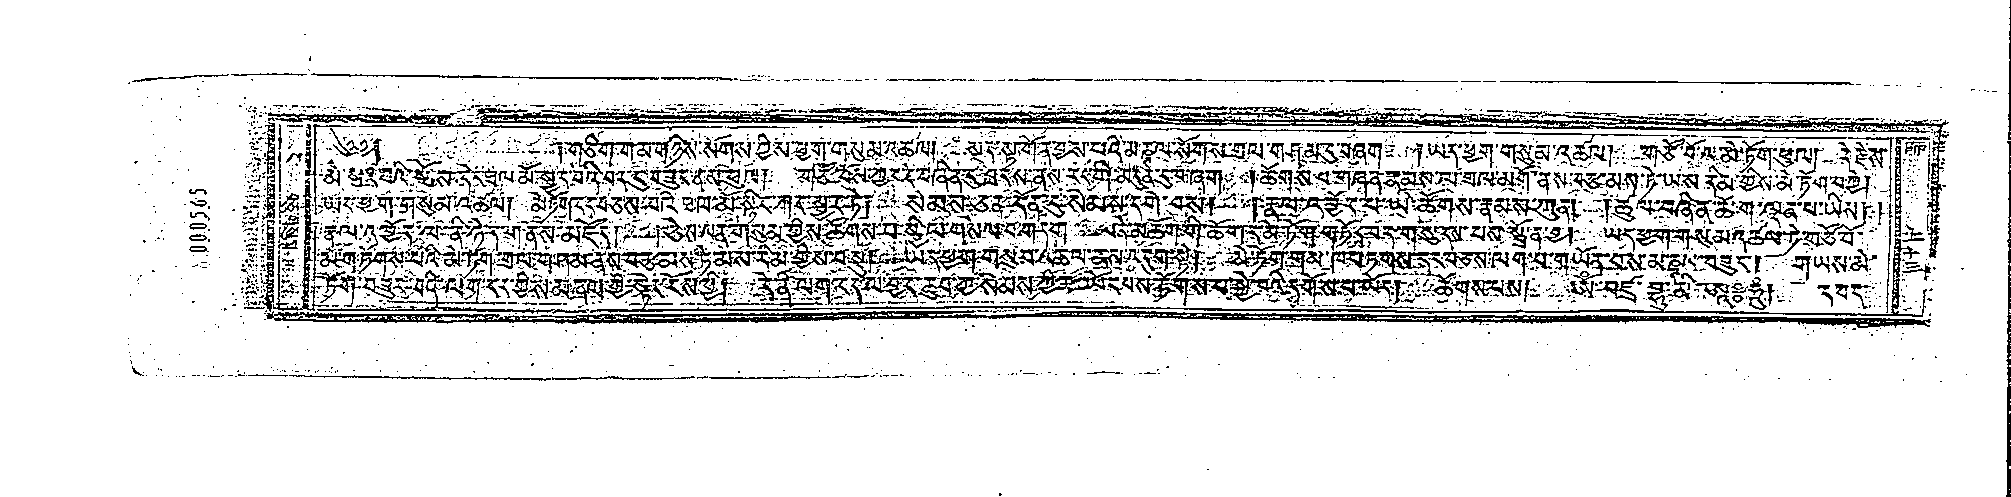༄༅། །གཅིག་གམ་གཉིས་སོགས་ཀྱིས་ཕྱག་གསུམ་འཚལ། སྔར་སྟ་གོན་བྱས་པའི་མཎྜལ་སོགས་གྲལ་གཤམ་དུ་བཞག །ཡང་ཕྱག་གསུམ་འཚལ། གཙོ་བོ་ལ་མེ་ཏོག་ཕུལ། དེ་རྗེས་
མེ་སྦར་བའི་སྤོས་དེར་ཐལ་མོ་སྦྱར་བའི་བར་དུ་བཟུང་ནས་ཕུལ། གཙོ་བོས་ཀྱང་དེ་བཞིན་དུ་བླངས་ནས་རང་གི་མདུན་དུ་བཞག །ཚོགས་པ་གཞན་རྣམས་ལ་གྲལ་མགོ་ནས་བརྩམས་ཏེ་ཡས་རིམ་གྱིས་མེ་ཏོག་བཀྱེ།
ཡང་ཕྱག་གསུམ་འཚལ། མེ་ཏོག་དང་བཅས་པའི་ཐལ་མོ་སྙིང་ཀར་སྦྱར་ཏེ༑ སེམས་ཅན་དོན་དུ་སེམས་དགེ་བས། །རྣལ་འབྱོར་པ་ཡི་ཚོགས་རྣམས་ཀུན། །ཚུལ་བཞིན་ཆོ་ག་ལྡན་པ་ཡིས། །
རྣལ་འབྱོར་ལ་ནི་ཉེར་གནས་མཛོད། །ཅེས་ལན་གསུམ་གྱིས་ཚོགས་པ་སྦྱི་ལ་གསོལ་བ་གདག་བདེ་མཆོག་གི་ཆོ་གར་མེ་ཏོག་གཏོར་བར་གསུངས་པས་སྤྲོ་ན་བྱ། ཡང་ཕྱག་གསུམ་འཚལ་ཏེ་གཙོ་བོ་
མེ་གཏོགས་པའི་མེ་ཏོག་གྲལ་གཤམ་ནས་བརྩམས་ཏེ་མས་རིམ་གྱིས་བསྡུ། ཡང་ཕྱག་གསུབ་འཆལ་ནས་འདུག་སྟེ། མེ་ཏོག་གམ་ཁ་བཏགས་དང་བཅས་ལག་པ་གཡོན་པས་མཎྜལ་བཟུང་། གཡས་མེ་
ཏོག་བཟུང་བའི་ལག་དར་གྱིས་མ་ཞལ་གྱི་སྟེང་ངོས་ཕྱི། དེ་ནི་ལག་དར་ལ་བྱང་ཆུབ་ཀྱི་སེམས་ཀྱི་རྩ་ཡོད་པས་རྟོགས་པ་སྐྱེ་བའི་དགོས་པ་ཡོད། ཚོགས་པས། ཨོཾ་བཛྲ་བྷུ་མི་ཨཱཿ་ཧཱུཾ། དབང་